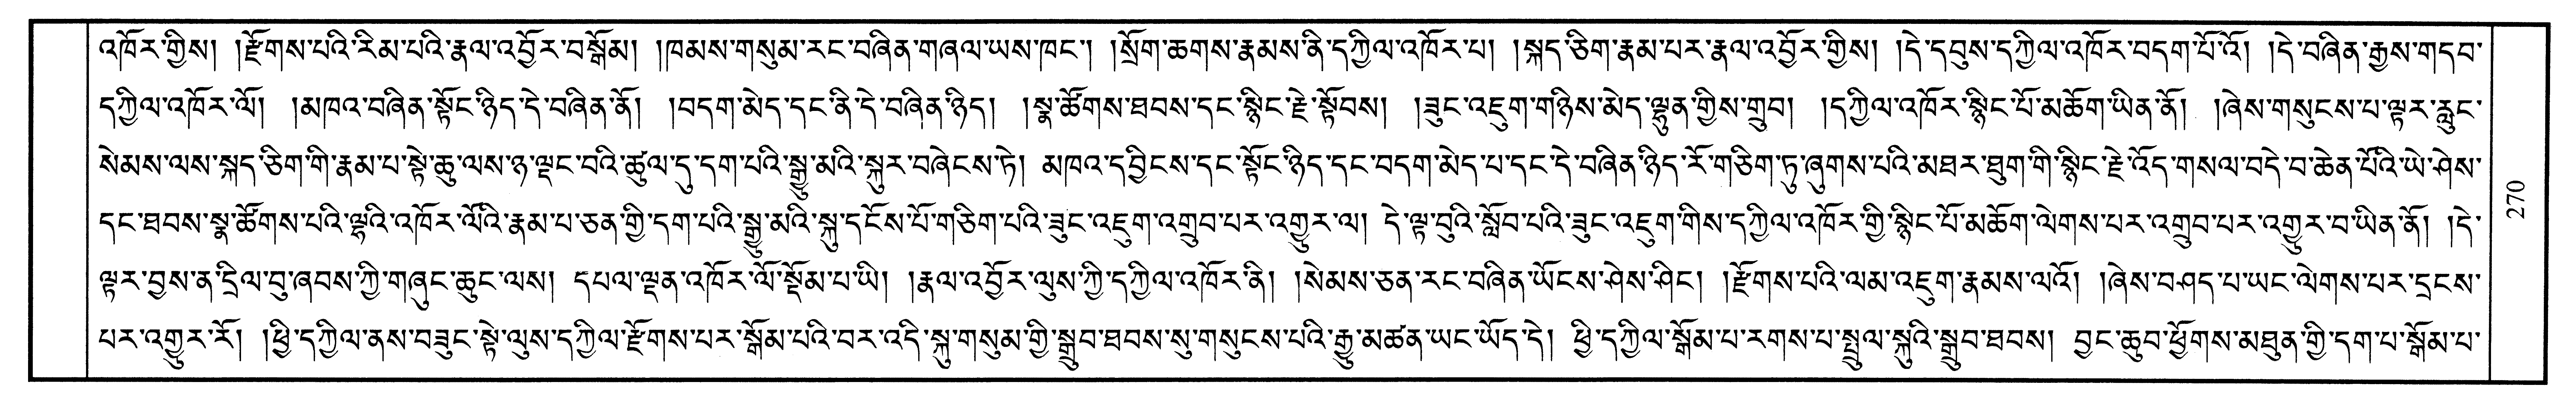འཁོར་གྱིས། །རྫོགས་པའི་རིམ་པའི་རྣལ་འབྱོར་བསྒོམ། །ཁམས་གསུམ་རང་བཞིན་གཞལ་ཡས་ཁང་། །སྲོག་ཆགས་རྣམས་ནི་དཀྱིལ་འཁོར་པ། །སྐད་ཅིག་རྣམ་པར་རྣལ་འབྱོར་གྱིས། །དེ་དབུས་དཀྱིལ་འཁོར་བདག་པོའོ། །དེ་བཞིན་རྒྱས་གདབ་
དཀྱིལ་འཁོར་ལོ། །མཁའ་བཞིན་སྟོང་ཉིད་དེ་བཞིན་ནོ། །བདག་མེད་དང་ནི་དེ་བཞིན་ཉིད། །སྣ་ཚོགས་ཐབས་དང་སྙིང་རྗེ་སྟོབས། །ཟུང་འཇུག་གཉིས་མེད་ལྷུན་གྱིས་གྲུབ། །དཀྱིལ་འཁོར་སྙིང་པོ་མཆོག་ཡིན་ནོ། །ཞེས་གསུངས་པ་ལྟར་རླུང་
སེམས་ལས་སྐད་ཅིག་གི་རྣམ་པ་སྟེ་ཆུ་ལས་ཉ་ལྡང་བའི་ཚུལ་དུ་དག་པའི་སྒྱུ་མའི་སྐུར་བཞེངས་ཏེ། མཁའ་དབྱིངས་དང་སྟོང་ཉིད་དང་བདག་མེད་པ་དང་དེ་བཞིན་ཡིད་རོ་གཅིག་ཏུ་ཞུགས་པའི་མཐར་ཐུག་གི་སྙིང་རྗེ་འོད་གསལ་བདེ་བ་ཆེན་པོའི་ཡེ་ཤེས་
དང་ཐབས་སྣ་ཚོགས་པའི་ལྷའི་འཁོར་ལོའི་རྣམ་པ་ཅན་གྱི་དག་པའི་སྒྱུ་མའི་སྐུ་དངོས་པོ་གཅིག་པའི་ཟུང་འཇུག་འགྲུབ་པར་འགྱུར་ལ། དེ་ལྟ་བུའི་སློབ་པའི་ཟུང་འཇུག་གིས་དཀྱིལ་འཁོར་གྱི་སྙིང་པོ་མཆོག་ལེགས་པར་འགྲུབ་པར་འགྱུར་བ་ཡིན་ནོ། །དེ་
ལྟར་བྱས་ན་དྲིལ་བུ་ཞབས་ཀྱི་གཞུང་ཆུང་ལས། དཔལ་ལྡན་འཁོར་ལོ་སྡོམ་པ་ཡི། །རྣལ་འབྱོར་ལུས་ཀྱི་དཀྱིལ་འཁོར་ནི། །སེམས་ཅན་རང་བཞིན་ཡོངས་ཤེས་ཤིང་། །རྫོགས་པའི་ལམ་འཇུག་རྣམས་ལའོ། །ཞེས་བཤད་པ་ཡང་ལེགས་པར་དྲངས་
པར་འགྱུར་རོ། །ཕྱི་དཀྱིལ་ནས་བཟུང་སྟེ་ལུས་དཀྱིལ་རྫོགས་པར་སྒོམ་པའི་བར་འདི་སྐུ་གསུམ་གྱི་སྒྲུབ་ཐབས་སུ་གསུངས་པའི་རྒྱུ་མཚན་ཡང་ཡོད་དེ། ཕྱི་དཀྱིལ་སྒོམ་པ་རགས་པ་སྤྲུལ་སྐུའི་སྒྲུབ་ཐབས། བྱང་ཆུབ་ཕྱོགས་མཐུན་གྱི་དག་པ་སྒོམ་པ་